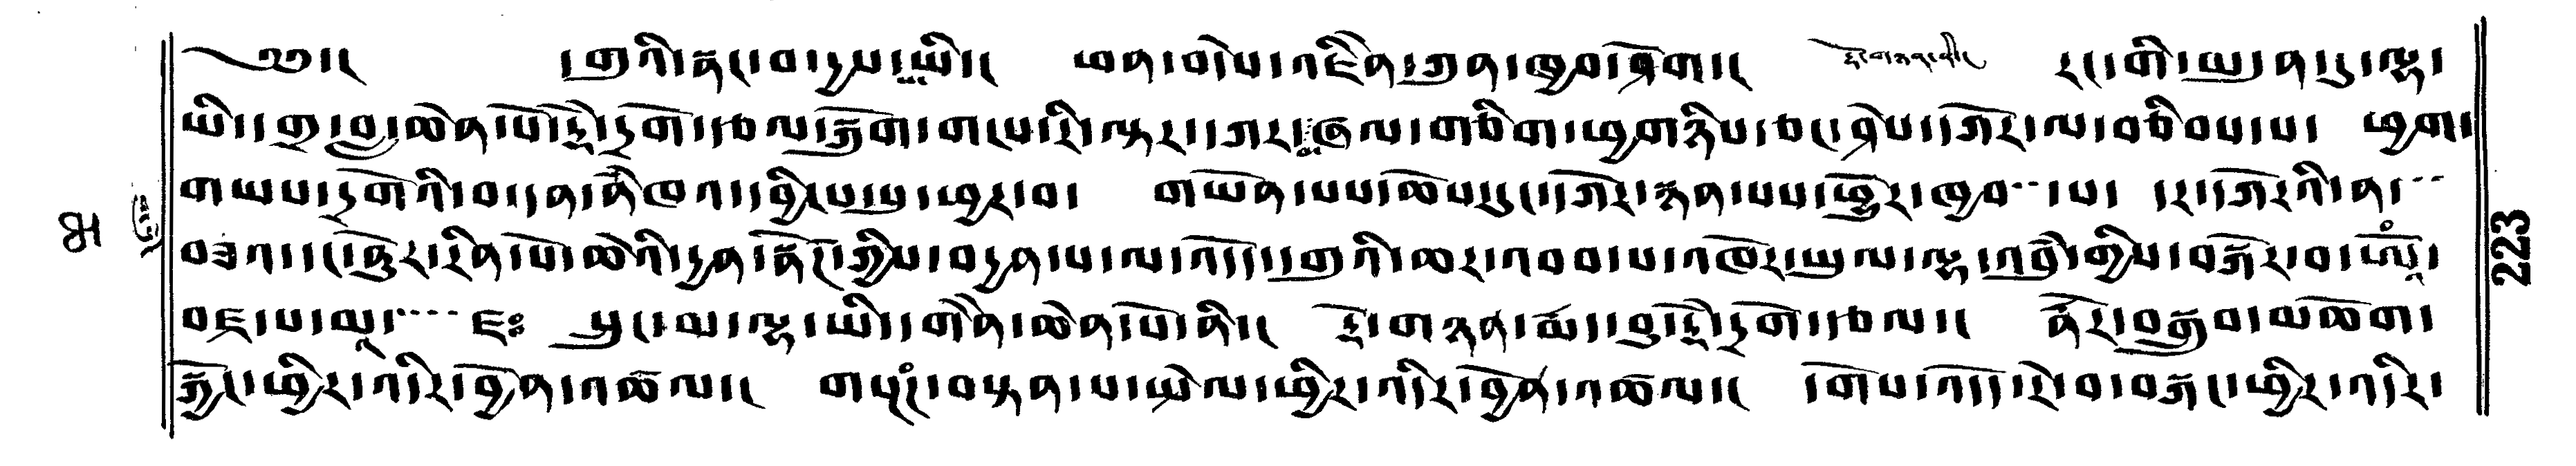དགུའི་སྣང་བ་རྒྱས་པ་ཡི། །ཕན་བདེས་འཇིག་རྟེན་ཀུན་ཁྱབ་ཤོག རྡོ་གཉན་ནི།རང་གི་མདུན་དུ་ལྷ་
ཡི་དགྲ་བླ་ཆེན་པོ་རྡོ་རྗེ་དྲག་པོ་རྩལ་སྐུ་མདོག་གངས་རི་ལྟར་དཀར་བ། ཞལ་གཅིག་ཕྱག་གཉིས་ཅང་ཤེས་དཀར་པོ་ལ་བཅིབས་པ། ཕྱག་
གཡས་དྲག་པོའི་བ་དན་ནམ་མཁའ་དབྱིངས་སུ་ཕྱར་བ། གཡོན་པས་ཆོས་དུང་དཀར་པོ་སྙན་པས་ཕྱོགས་བཅུར་ཁྱབ་པ། དར་དཀར་པོའི་ན་
བཟའ་དང་ནོར་བུ་རིན་པོ་ཆེའི་རྒྱན་སྣ་ཚོགས་ཀྱིས་བརྒྱན་པ་ལ་འདོད་དགུའི་ཆར་འབབ་པ་འཁོར་ཡུལ་ལྷ་འབུམ་གྱིས་བསྐོར་བ་ཨོཾ་
བཛྲ་ས་མཱ་ཛཿ སྲུང་མ་ལྷ་ཡི་དགེ་བསྙེན་ཆེན་པོ་ནི། །རྡོ་གཉན་རྨད་བུ་རྡོ་རྗེ་དྲག་པོ་རྩལ། །རྣལ་འབྱོར་སྒྲུབ་མཆོག་
སྐྱོང་ཕྱིར་འདིར་བྱོན་འཚལ། །གསང་སྔགས་བསྟན་པ་སྤེལ་ཕྱིར་འདིར་བྱོན་འཚལ། །དགོས་འདོད་རེ་བ་བསྐང་ཕྱིར་འདིར་